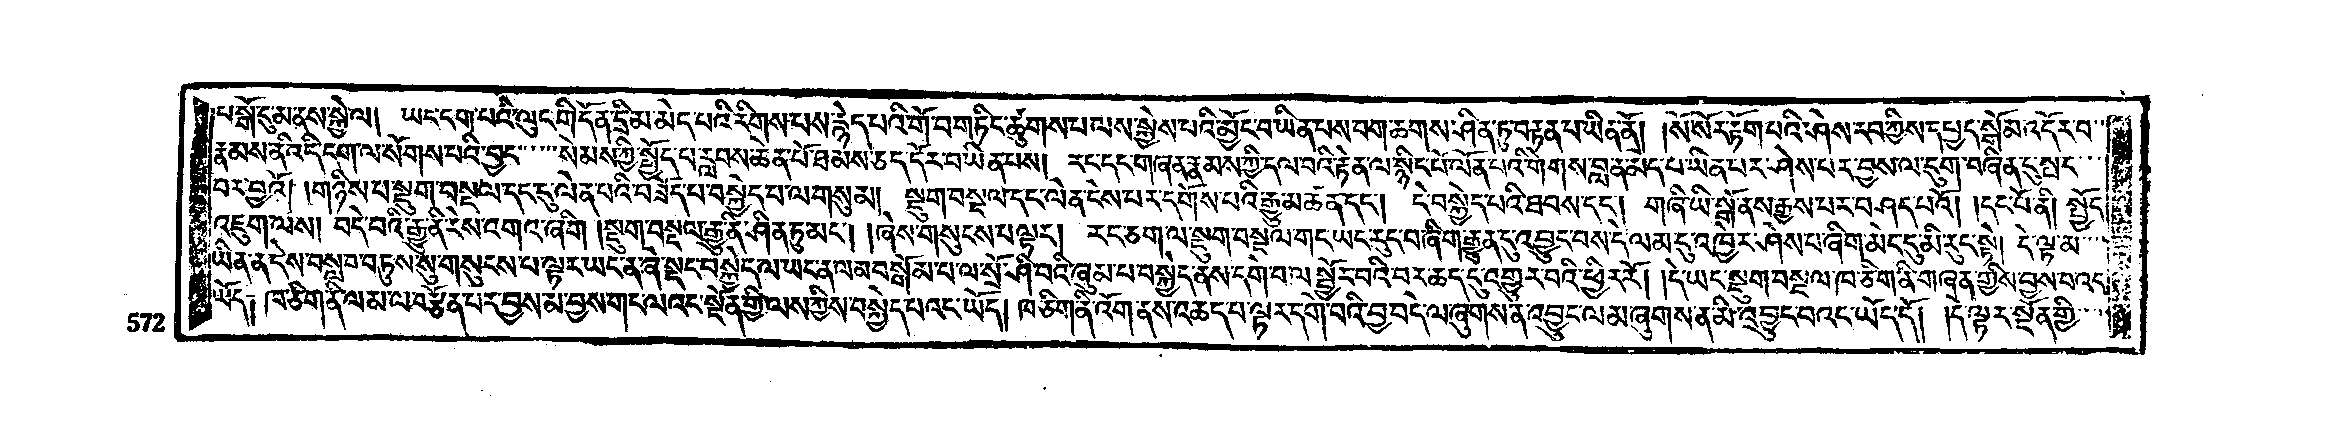པ་སྒོ་དུ་མ་ནས་སྐྱེ་ལ། ཡང་དག་པའི་ལུང་གི་དོན་དྲི་མ་མེད་པའི་རིགས་པས་རྙེད་པའི་གོ་བ་གཏིང་ཚུགས་པ་ལས་སྐྱེས་པའི་མྱོང་བ་ཡིན་པས་བག་ཆགས་ཤིན་ཏུ་བརྟན་པ་ཡིན་ནོ། །སོ་སོར་རྟོག་པའི་ཤེས་རབ་ཀྱིས་དཔྱད་སྒོམ་འདོར་བ་
རྣམས་ནི་འདི་དག་ལ་སོགས་པའི་བྱང་སེམས་ཀྱི་སྤྱོད་པ་རླབས་ཆེན་པོ་ཐམས་ཅད་དོར་བ་ཡིན་པས། རང་དང་གཞན་རྣམས་ཀྱི་དལ་བའི་རྟེན་ལ་སྙིང་པོ་ལོན་པའི་གེགས་བླ་ན་མེད་པ་ཡིན་པར་ཤེས་པར་བྱས་ལ་དུག་བཞིན་དུ་སྤང་
བར་བྱའོ། །གཉིས་པ་སྡུག་བསྔལ་དང་དུ་ལེན་པའི་བཟོད་པ་བསྐྱེད་པ་ལ་གསུམ། སྡུག་བསྔལ་དང་ལེན་ངེས་པར་དགོས་པའི་རྒྱུ་མཚན་དང་། དེ་བསྐྱེད་པའི་ཐབས་དང་། གཞི་ཡི་སྒོ་ནས་རྒྱས་པར་བཤད་པའོ། །དང་པོ་ནི། སྤྱོད་
འཇུག་ལས། བདེ་བའི་རྒྱུ་ནི་རེས་འགའ་ཞིག །སྡུག་བསྔལ་རྒྱུ་ནི་ཤིན་ཏུ་མང་། །ཞེས་གསུངས་པ་ལྟར། རང་ཅག་ལ་སྡུག་བསྔལ་གང་ཡང་རུང་བ་ཞིག་རྒྱུན་དུ་འབྱུང་བས་དེ་ལམ་དུ་འཁྱེར་ཤེས་པ་ཞིག་མེད་དུ་མི་རུང་སྟེ། དེ་ལྟ་མ་
ཡིན་ན་དེས་བསླབ་བཏུས་སུ་གསུངས་པ་ལྟར་ཡང་ན་ཞེ་སྡང་བསྐྱེད་ལ་ཡང་ན་ལམ་བསྒོམ་པ་ལ་སྲོ་ཤི་བའི་ཞུམ་པ་བསྐྱེད་ནས་དགེ་བ་ལ་སྦྱོར་བའི་བར་ཆད་དུ་འགྱུར་བའི་ཕྱིར་རོ། །དེ་ཡང་སྡུག་བསྔལ་ཁ་ཅིག་ནི་གཞན་གྱིས་བྱས་པའང་
ཡོད༑ ཁ་ཅིག་ནི་ལམ་ལ་བརྩོན་པར་བྱས་མ་བྱས་གང་ལའང་སྔོན་གྱི་ལས་ཀྱིས་བསྐྱེད་པའང་ཡོད། ཁ་ཅིག་ནི་འོག་ནས་འཆད་པ་ལྟར་དགེ་བའི་བྱ་བ་དེ་ལ་ཞུགས་ན་འབྱུང་ལམ་ཞུགས་ན་མི་འབྱུང་བའང་ཡོད་དོ། །དེ་ལྟར་སྔོན་གྱི་